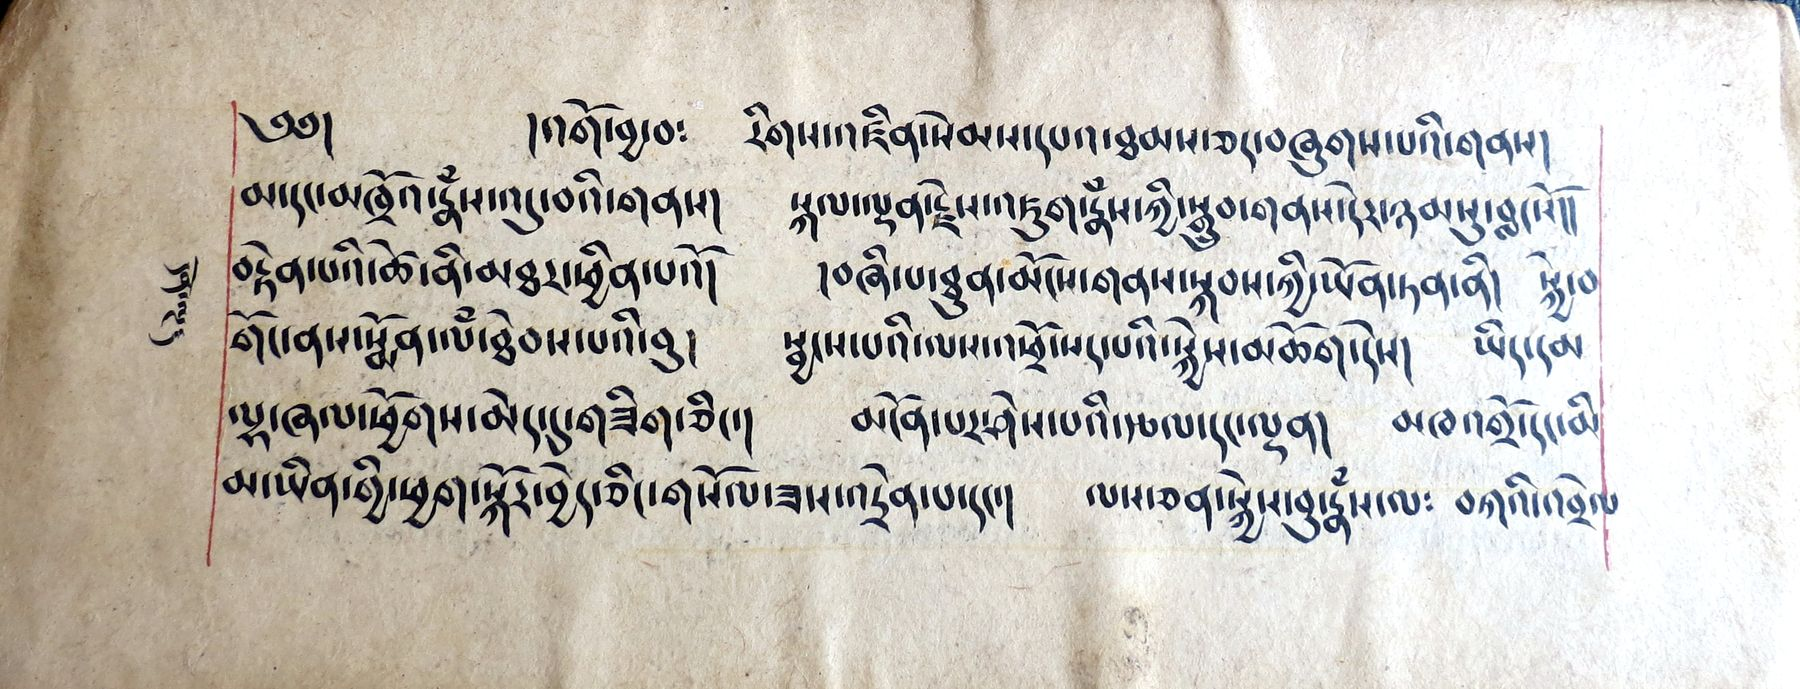འགོ་བྱ་བ། རིག་འཛིན་སེམས་དཔའ་ཐམས་ཅད་བཞུགས་པའི་གནས། 
མ་དང་མཁའ་འགྲོ་རྣམས་འདུ་བའི་གནས། སྐལ་ལྡན་རྗེས་འཇུག་རྣམས་ཀྱི་སྒྲུབ་གནས་དེར་ཉམས་སུ་བླངས་སོ། །
བརྟེན་པའི་ཚེ་ནི་མཐར་ཕྱིན་པའོ། །བཞི་པ་ཐུན་མོང་གནས་སྐབས་ཀྱི་ཡོན་ཏན་ནི། སྐྱེ་བ་
གོང་ནས་སྨོན་ལམ་ཐེབས་པའི་བུ། སྦྱངས་པའི་ལས་འཕྲོ་སད་པའི་སྐྱེས་མཆོག་དེས། ཡི་དམ་
ལྷ་ཞལ་ཕྱོགས་མེད་དུ་གཟིགས་ཤིང་། མངོན་པར་ཤེས་པའི་རྩལ་དང་ལྡན། མཁའ་འགྲོ་དང་མི་
མ་ཡིན་གྱིས་ཕྱག་སྐོར་བྱེད་ཅིང་གསོལ་ཟས་འདྲེན་པ་དང་། ལས་ཅན་སྐྱེས་བུ་རྣམས་ལ་བཀའ་ཡི་འབྲེལ་